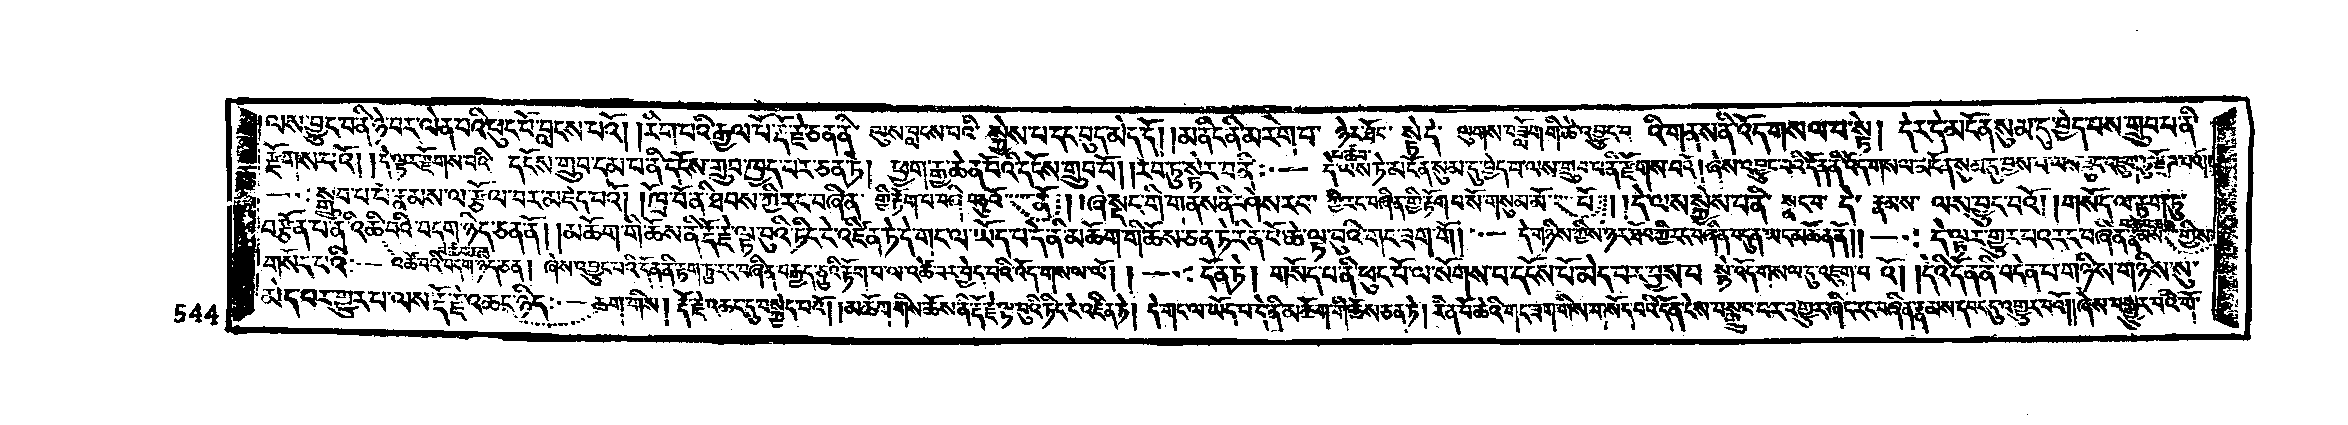ལས་བྱུང་བ་ནི་ཉེ་བར་ལེན་པའི་ཕུང་པོ་བླངས་པའོ། །རིག་པའི་རྒྱལ་པོ་རྡོ་རྗེ་ཅན་ནི་ལུས་བླངས་པའི་སྐྱེས་པ་དང་བུད་མེད་དོ། །མ་ནིང་ནི་མ་རིག་པ་ཉེར་ཐོབ་སྟེ་དེ་ལུགས་བཟློག་གི་ཚེ་འབྱུང་བའི་གནས་ནི་འོད་གསལ་བ་སྟེ། དེར་དེ་མངོན་སུམ་བྱེད་པས་གྲུབ་པ་ནི་
རྫོགས་པའོ། །དེ་ལྟར་རྫོགས་པའི་དངོས་གྲུབ་དམ་པ་ནི་དངོས་གྲུབ་ཁྱད་པར་ཅན་ཏེ། ཕྱག་རྒྱ་ཆེན་པོའི་དངོས་གྲུབ་པོ། །རབ་ཏུ་སྟེར་བ་ནིཿ་པ་ཚབ་དེ་ལས་ཏེ་མངོན་སུམ་དུ་བྱེད་པ་ལས་གྲུབ་པ་ནི་རྫོགས་པའོ། ཞེས་འབྱུང་བའི་དོན་ནི་འོད་གསལ་མངོན་སུམ་དུ་བྱས་པ་ལས་ཟུང་འཇུག་ཏུ་རྫོགས་པའོ། །
.Hསྒྲུབ་པ་པོ་རྣམས་ལ་རྩོལ་བར་མཛད་པའོ། །ཁྲོ་བོ་ནི་ཐབས་ཀྱི་རང་བཞིན་གྱི་རྟོག་པ་བཞི་བཅུའོ་ནོ། །ཞེ་སྡང་གི་གནས་ནི་ཤེས་རབ་ཀྱི་རང་བཞིན་གྱི་རྟོག་པ་སོ་གསུམ་མོ་པོ། །དེ་ལས་སྐྱེས་པ་ནི་སྣང་བ་དེ་རྣམས་ལས་བྱུང་བའོ། །གསོད་ལ་རྟག་ཏུ་
བརྩོན་པ་ནི་འཆི་བའི་བདག་ཉིད་ཅན་ནོ། །མཆོག་གི་ཆོས་ནི་རྡོ་རྗེ་ལྟ་བུའི་ཏིང་ངེ་འཛིན་ཏེ་དེ་གང་ལ་ཡོད་པ་དེ་ནི་མཆོག་གི་ཆོས་ཅན་ཏེ་རིན་པོ་ཆེ་ལྟ་བུའི་གང་ཟག་གོ །H.་དེ་གཉིས་ཀྱིས་ཉེར་ཐོབ་ཀྱི་རང་བཞིན་བདུན་ཡང་མཚོན་ནོ།།  .Hདེ་ལྟར་གྱུར་པའི་རང་བཞིན་པ་ཚབ་ཆག་རྣམས་གྱིས་
གསོད་པའིཿ་འཚེ་བའི་པ་ཚབ་ཆག་བདག་ཉིད་ཅན། ཞེས་འབྱུང་བའི་དོན་ནི་རྟག་ཏུ་རང་བཞིན་བརྒྱད་ཅུའི་རྟོག་པ་ལ་འཚེ་བར་བྱེད་པའི་འོད་གསལ་ལོ། །  .Hདོན་ཏེ། གསོད་པ་ནི་ཕུང་པོ་ལ་སོགས་པ་དངོས་པོ་མེད་པར་བྱས་པ་སྟེ་འོད་གསལ་དུ་འཇུག་པའོ། །དེའི་དོན་ནི་བདེན་པ་གཉིས་གཉིས་སུ་
མེད་པར་གྱུར་པ་ལས་རྡོ་རྗེ་འཆང་ཉིདཿ་ཆག་གིས། རྡོ་རྗེ་འཆང་དུ་བསྐྱེད་པའོ། །མཆོག་གིས་ཆོས་ནི་རྡོ་རྗེ་ལྟ་བུའི་ཏིང་ངེ་འཛིན་ཏེ། དེ་གང་ལ་ཡོད་པ་དེ་ནི་མཆོག་གི་ཆོས་ཅན་ཏེ། རིན་པོ་ཆེའི་གང་ཟག་གིས་གསོད་པའི་དོན་ངེས་བསྒྲུབ་པར་འགྱུར་ཞིང་རང་བཞིན་རྣམས་དབང་དུ་འགྱུར་པའོ། །ཞེས་བསྒྱུར་པའི་གོ་